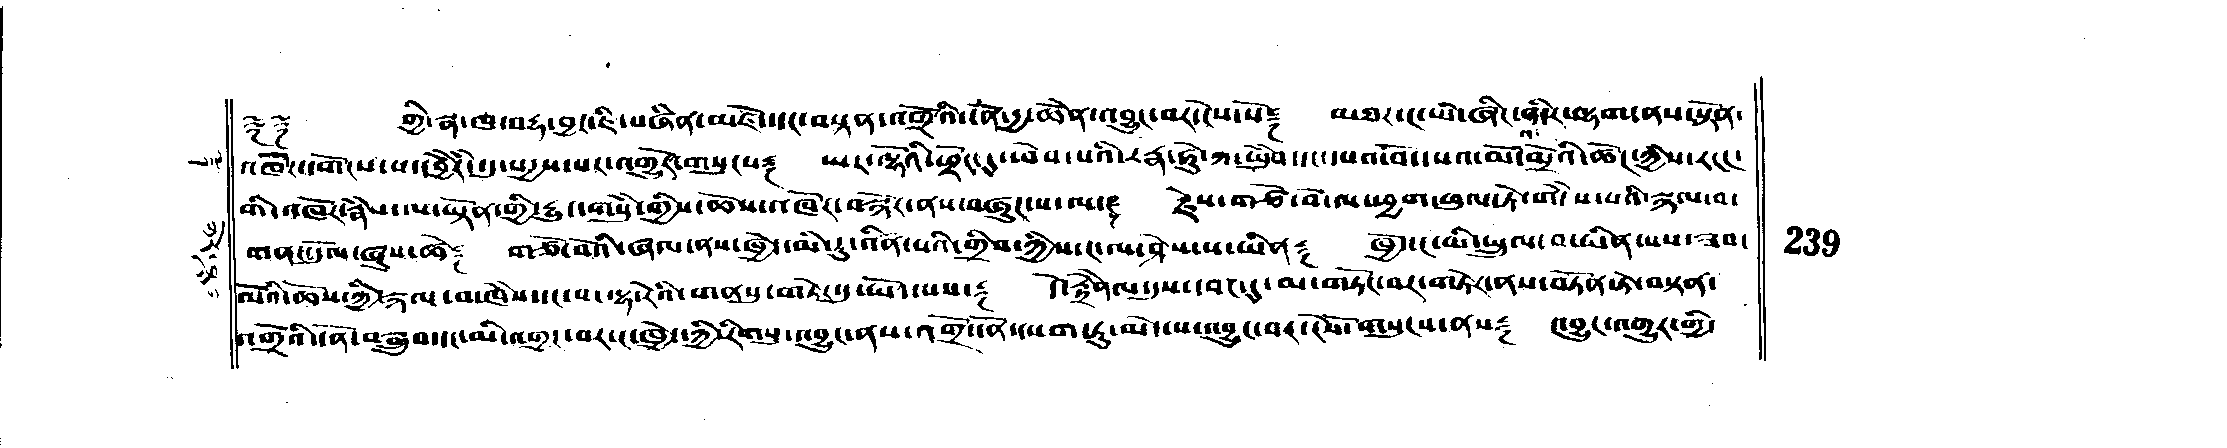གྱི་སྣ་ཁ་བརྡ་བྱང་ཇི་བཞིན་མཛོད་དང་བསྟན་འགྲོའི་དོན་རྒྱ་ཆེན་པོ་འབྱུང་བར་ངེས་སོ། མཐར་ང་ཡི་ཞིང་འདིར་ལྷགས་ནས་སྟོན་
འཁོར་དགོངས་པ་དབྱེར་མེད་དུ་སངས་རྒྱས་པར་འགྱུར་རོ་གསུངས། ཡང་ལྷོའི་ཕོ་བྲང་དུ་ཕེབས་པས་རཏྣ་ཧེ་རུ་ཀ་ཡབ་ཡུམ་དང་དཔའ་བོ་དཔའ་མོ་མཁའ་འགྲོ་ཚོགས་ཀྱིས་རང་རང་
གི་འཁོར་རྣམས་ལ་ཡོན་ཏན་གྱི་རྒྱུད་གསུམ་གྱིས་ཆོས་འཁོར་སྐོར་ནས་བཞུགས་པ་ལ། རྗེས་གཙོ་བོ་ལ་ཕྱག་ཕུལ་ཏེ་གདམས་པའི་སྐལ་བ་
གནང་དུ་གསོལ་ཞུས་ཚེ། གཙོ་བོའི་ཞལ་ནས་ཁྱེད་མི་རུ་འཛིན་པའི་གྲིབ་ཀྱིས་ངོ་མ་ཤེས་པ་ཡིན། ཁྱོད་ང་ཡི་སྤྲུལ་པ་ཡིན་པས་ཟབ་
མོའི་ཆོས་ཀྱི་སྐལ་བ་ཁམས་དང་ས་ལྷ་རེའི་གནས་སུ་གཏེར་དུ་ཡོད་པས། དེ་རྟེན་འབྲེལ་དུས་དབང་དུ་མ་གཏོང་བར་གཏེར་ནས་བཏོན་ཏེ་བསྟན་
འགྲོའི་དོན་བསྒྲུབ་དང་མི་འགྱང་བར་ང་ཁྱོད་ཀྱི་རིགས་སུ་འབྱུང་ནས་འགྲོ་དོན་དཔག་ཏུ་མེད་པ་འབྱུང་བར་ངེས་གསུངས་ནས།འབྱུང་འགྱུར་གྱི་